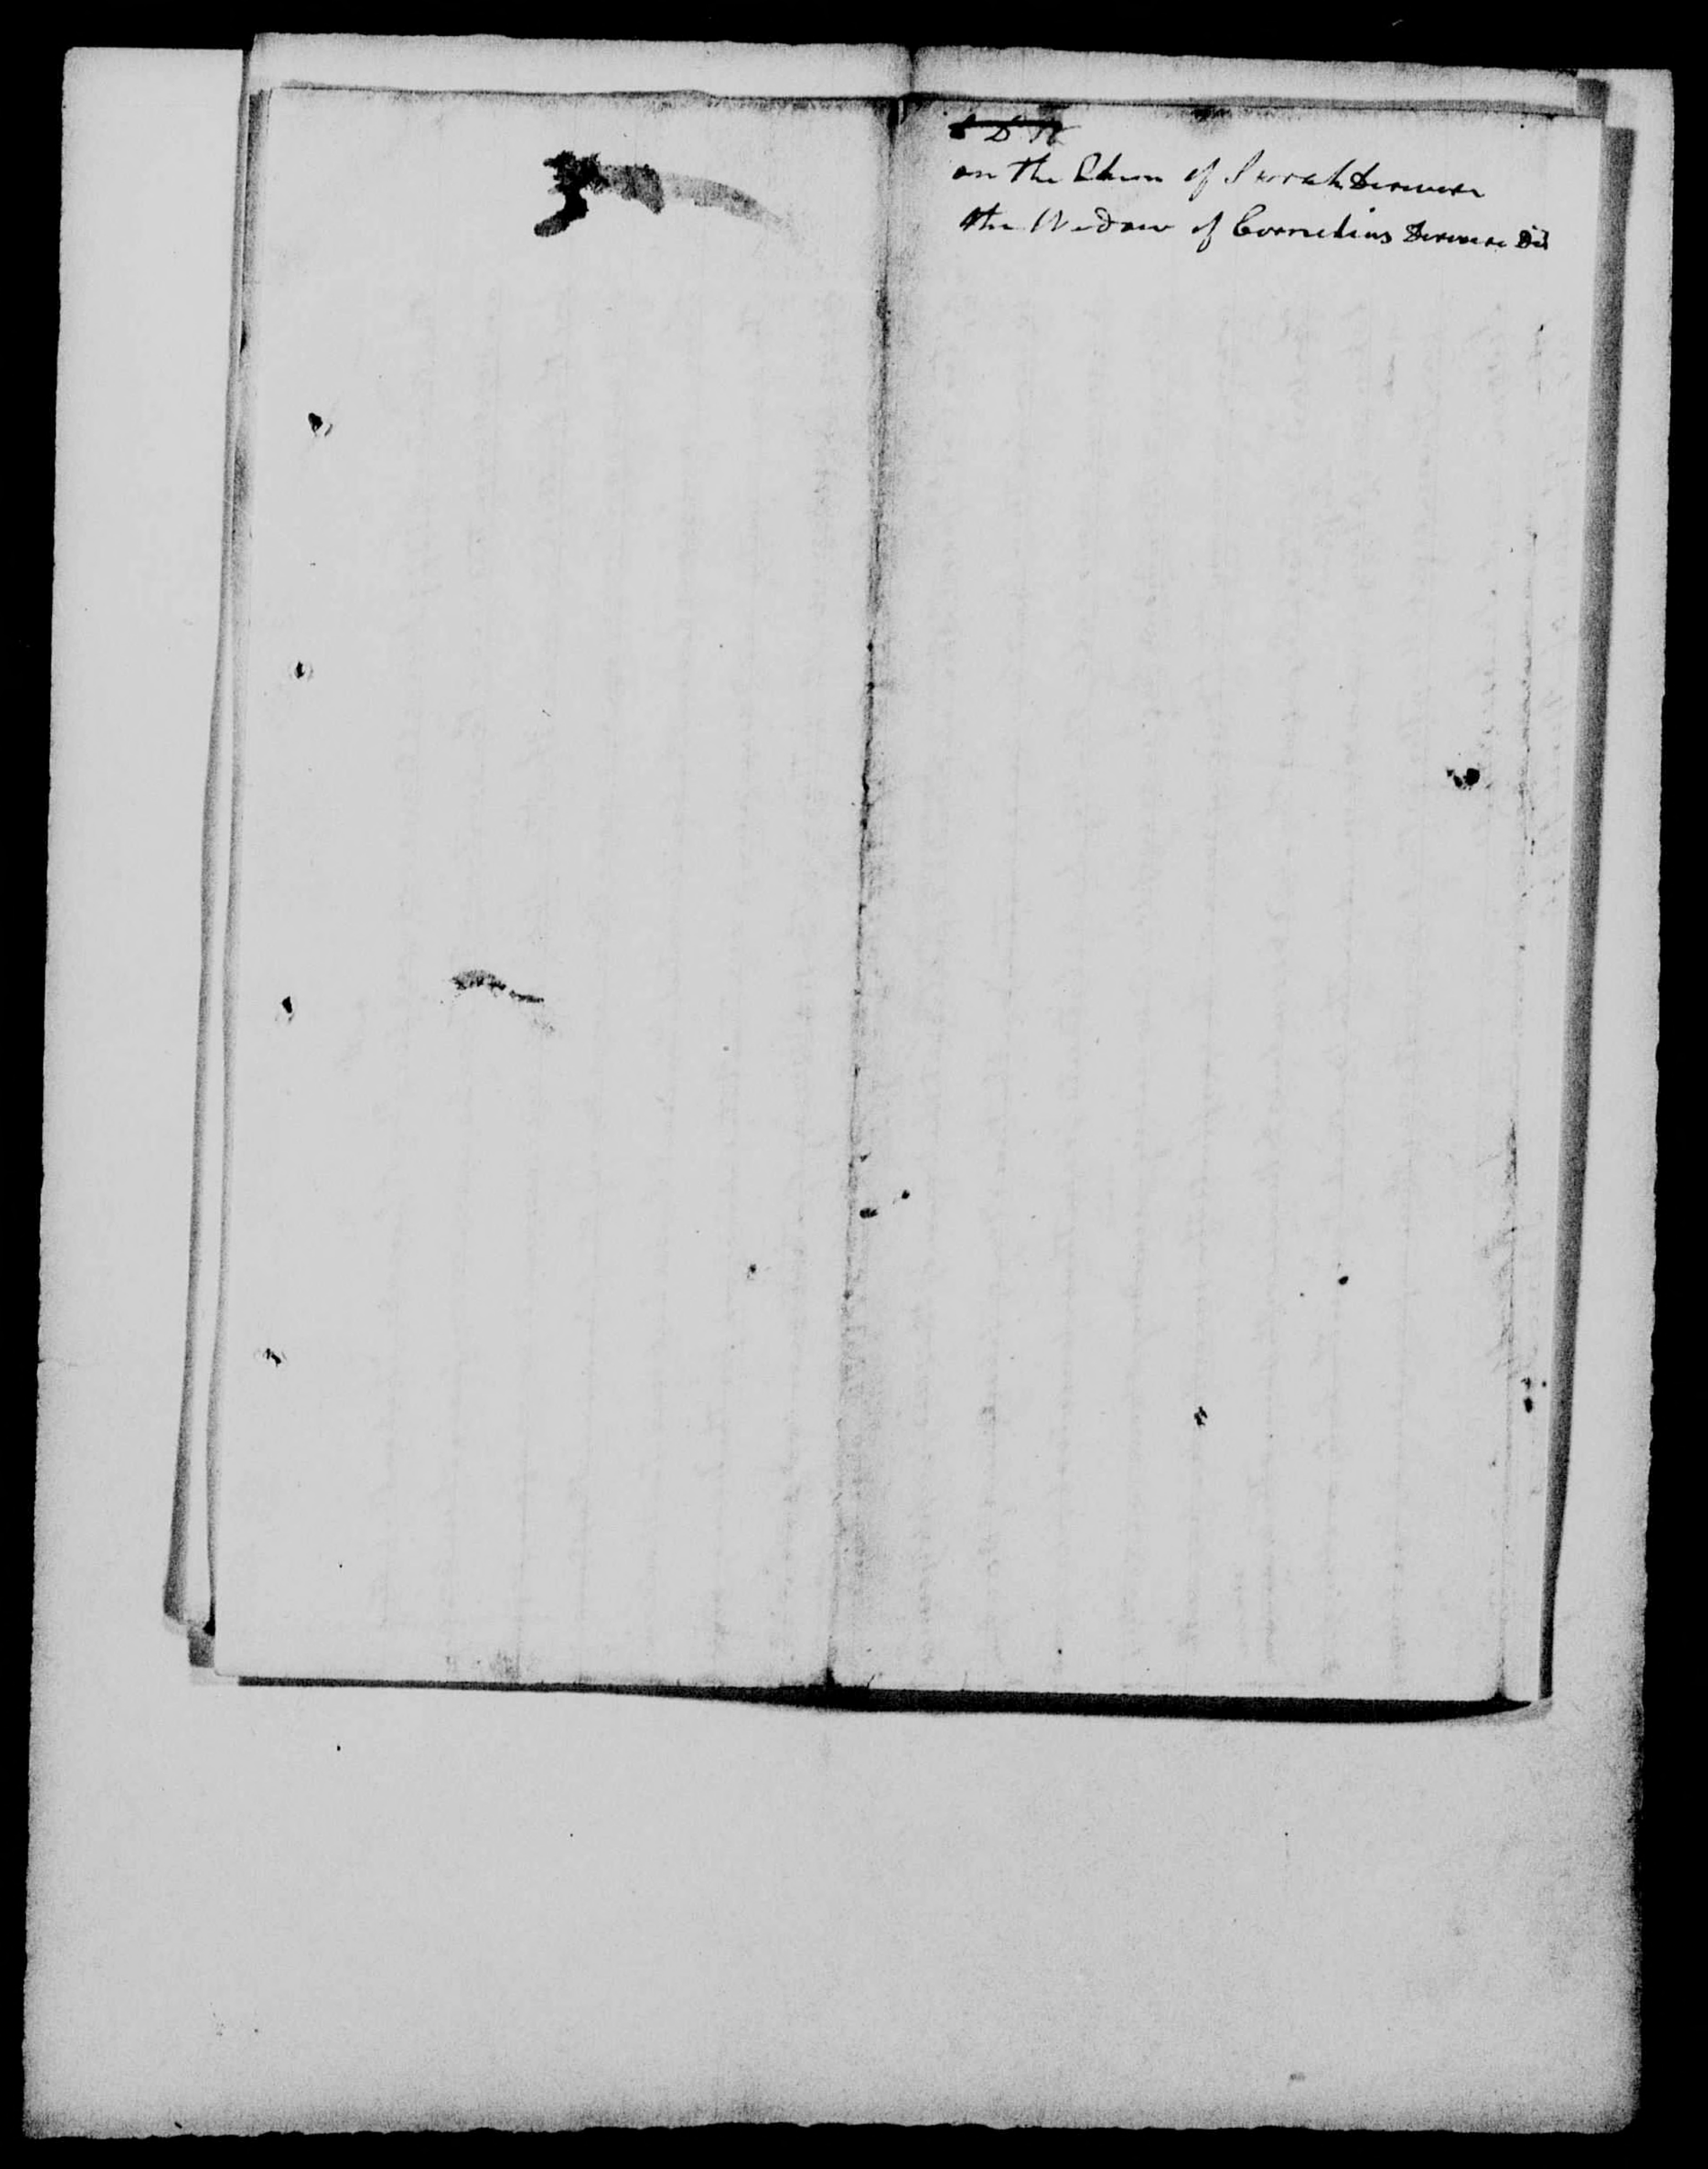on the Claim of Sarah Derevere the widow of Cornelius Derevere Dc'd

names: Cornelius Derevere, Sarah Derevere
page: 3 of 40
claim: widow's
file: W. 24057, Cornelius De Revere, New York